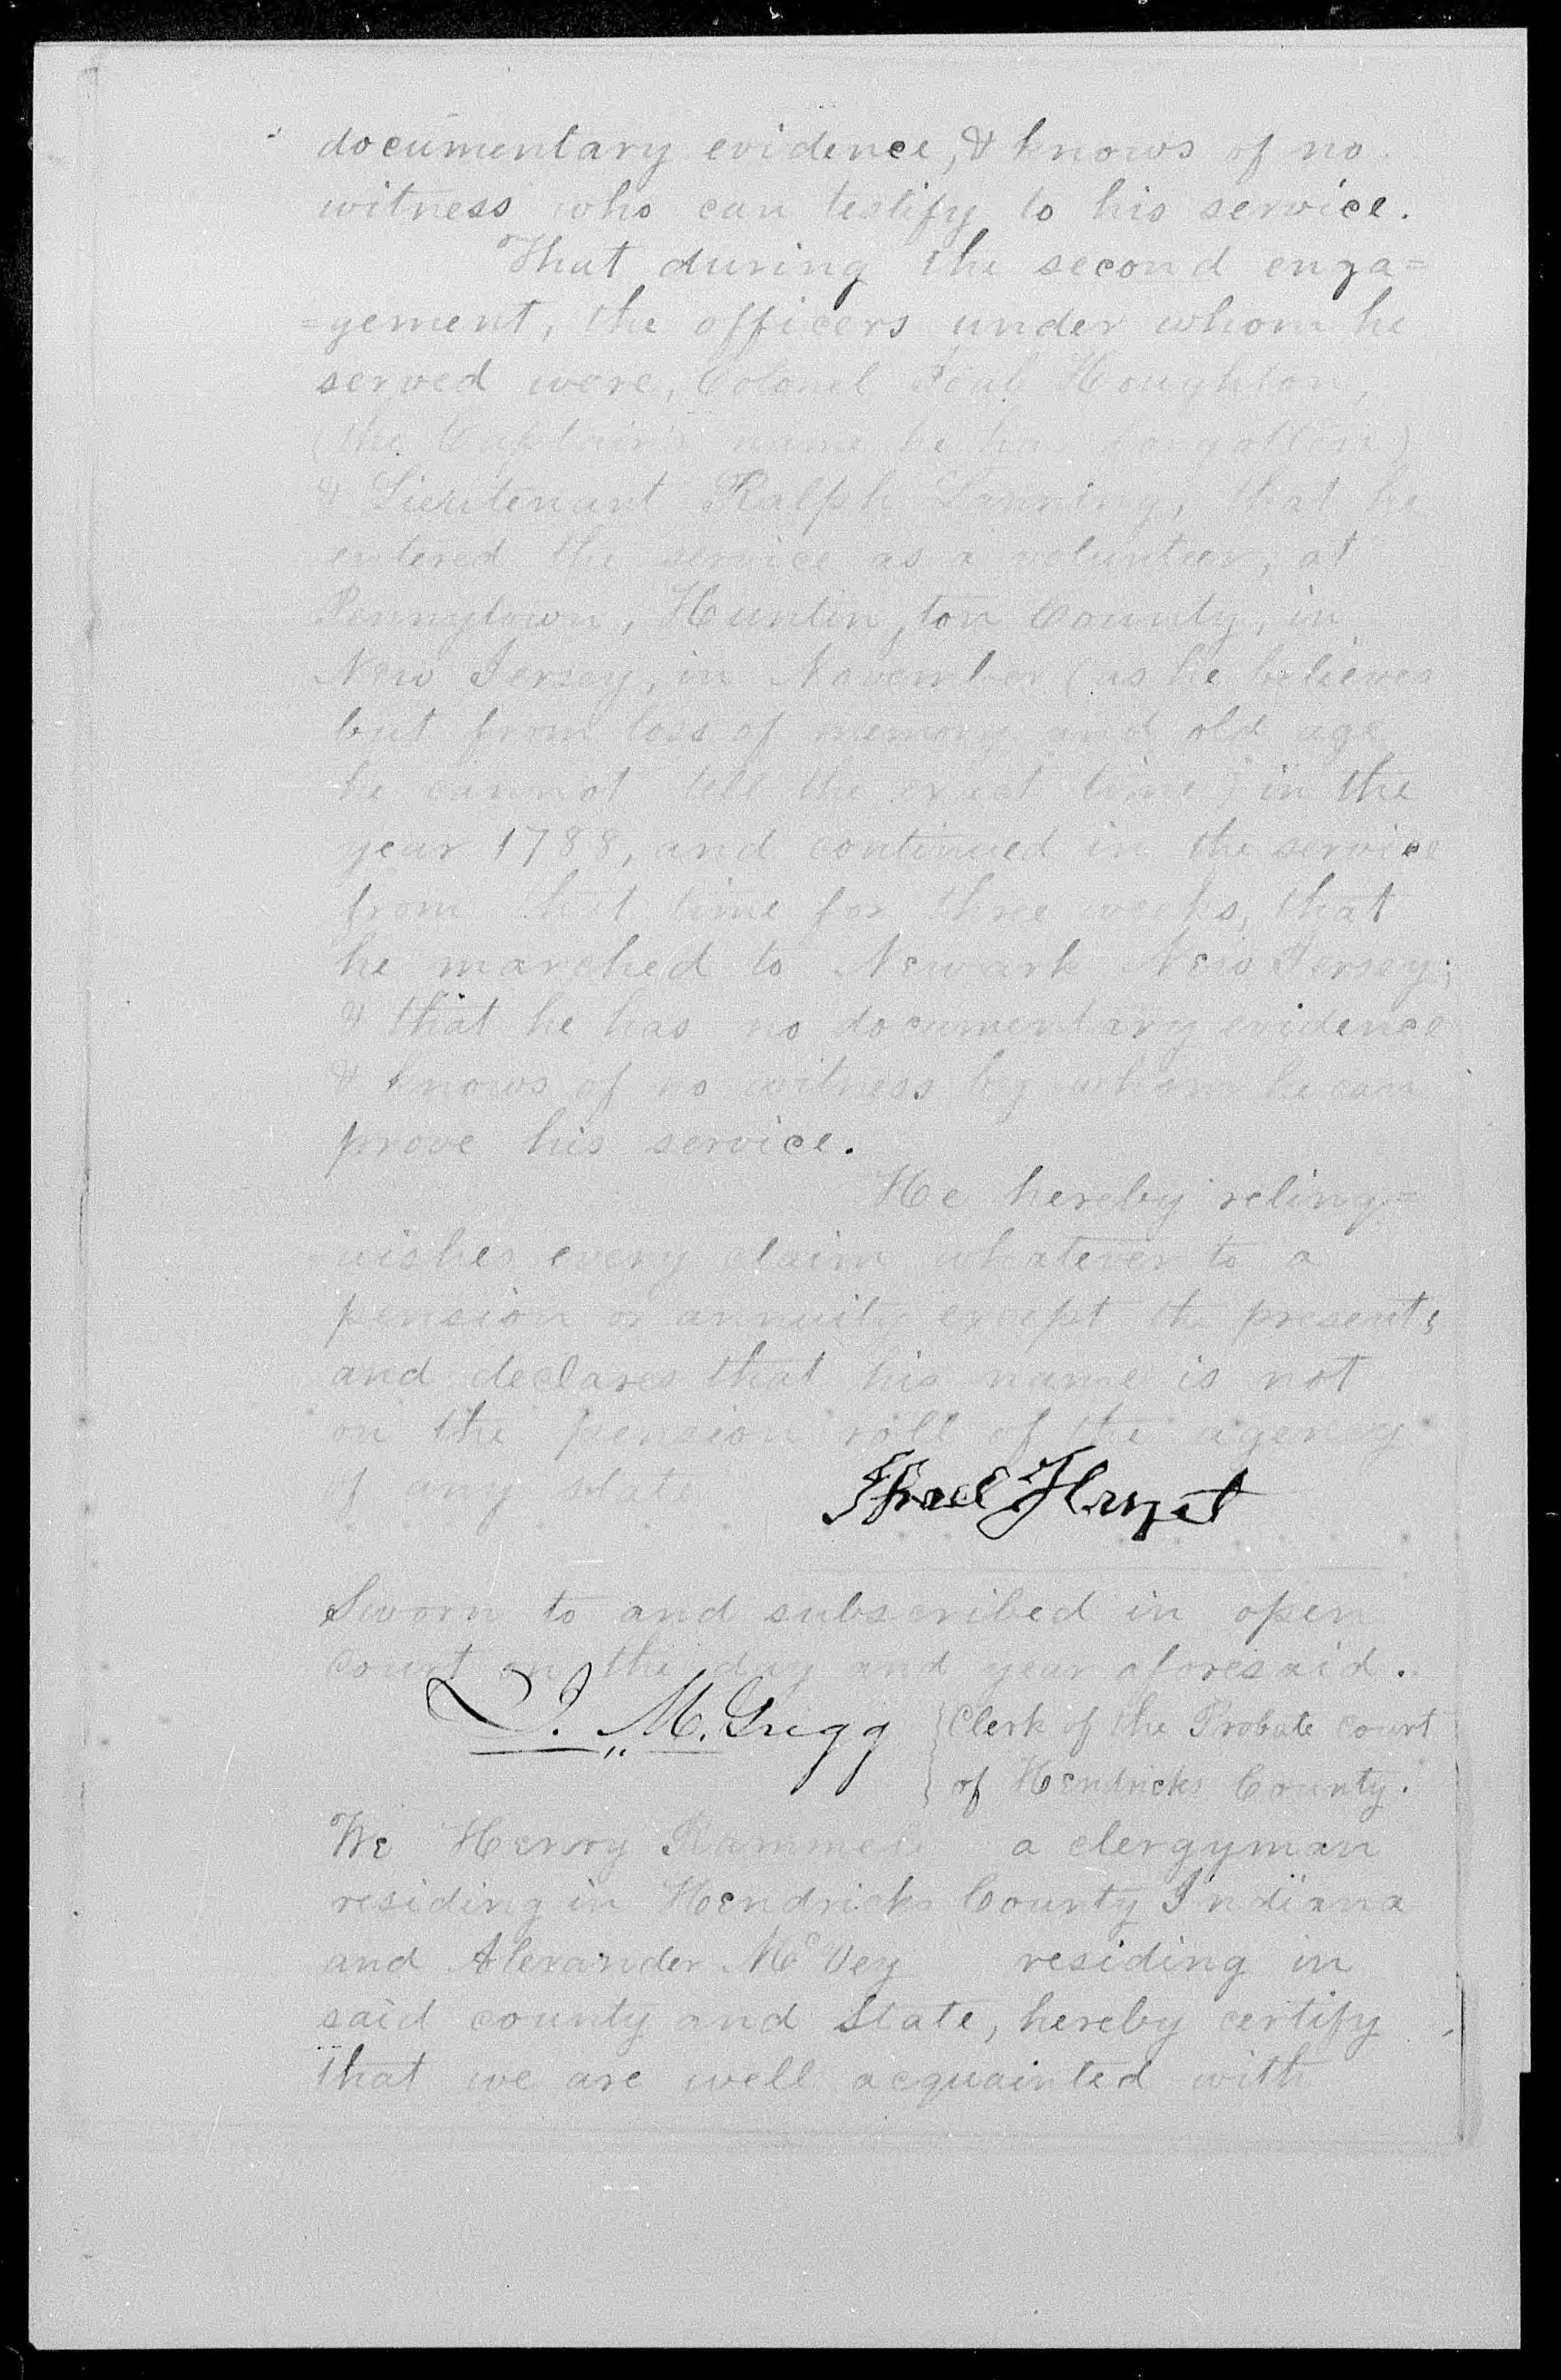documentary evidence & knows of no witness who can testify to his service.  
That during the second engagement, the officers under whom he served were Colonel Joab Houghton, (the captain's name he has forgotten) & Lieutenant Ralph Lannings, that he entered the service as a volunteer, at Pennytown, Huntington County in New Jersey in November (as he believes but from loss of memory and old age he cannot tell the exact time) in the year 1788, and continued in the service from that time for three weeks.  That he marched to Newark, New Jersey; & that he has no documentary evidence & knows of no witness by whom he can prove his service.  
He hereby relinquishes every claim whatever to a pension or annuity except the present and declares that his name is not on the pension roll of the agency of any state. 
Israel Hunt

Sworn to and subscribed in open court on the day and year aforesaid.
J. M. Gregg
Clerk of the Probate Court of Hendrick County

We, Henry Scammel a clergyman residing in Hendrick County Indiana and Alexander McVey residing in said county and state, hereby certify that we are well acquainted with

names: J M Gregg; Henry Scammel; Joab Houghton; Ralph Lannings; Alexander Mc Vey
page: 8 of 18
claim: rejected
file: R. 5393, for Israel Hunt, New Jersey